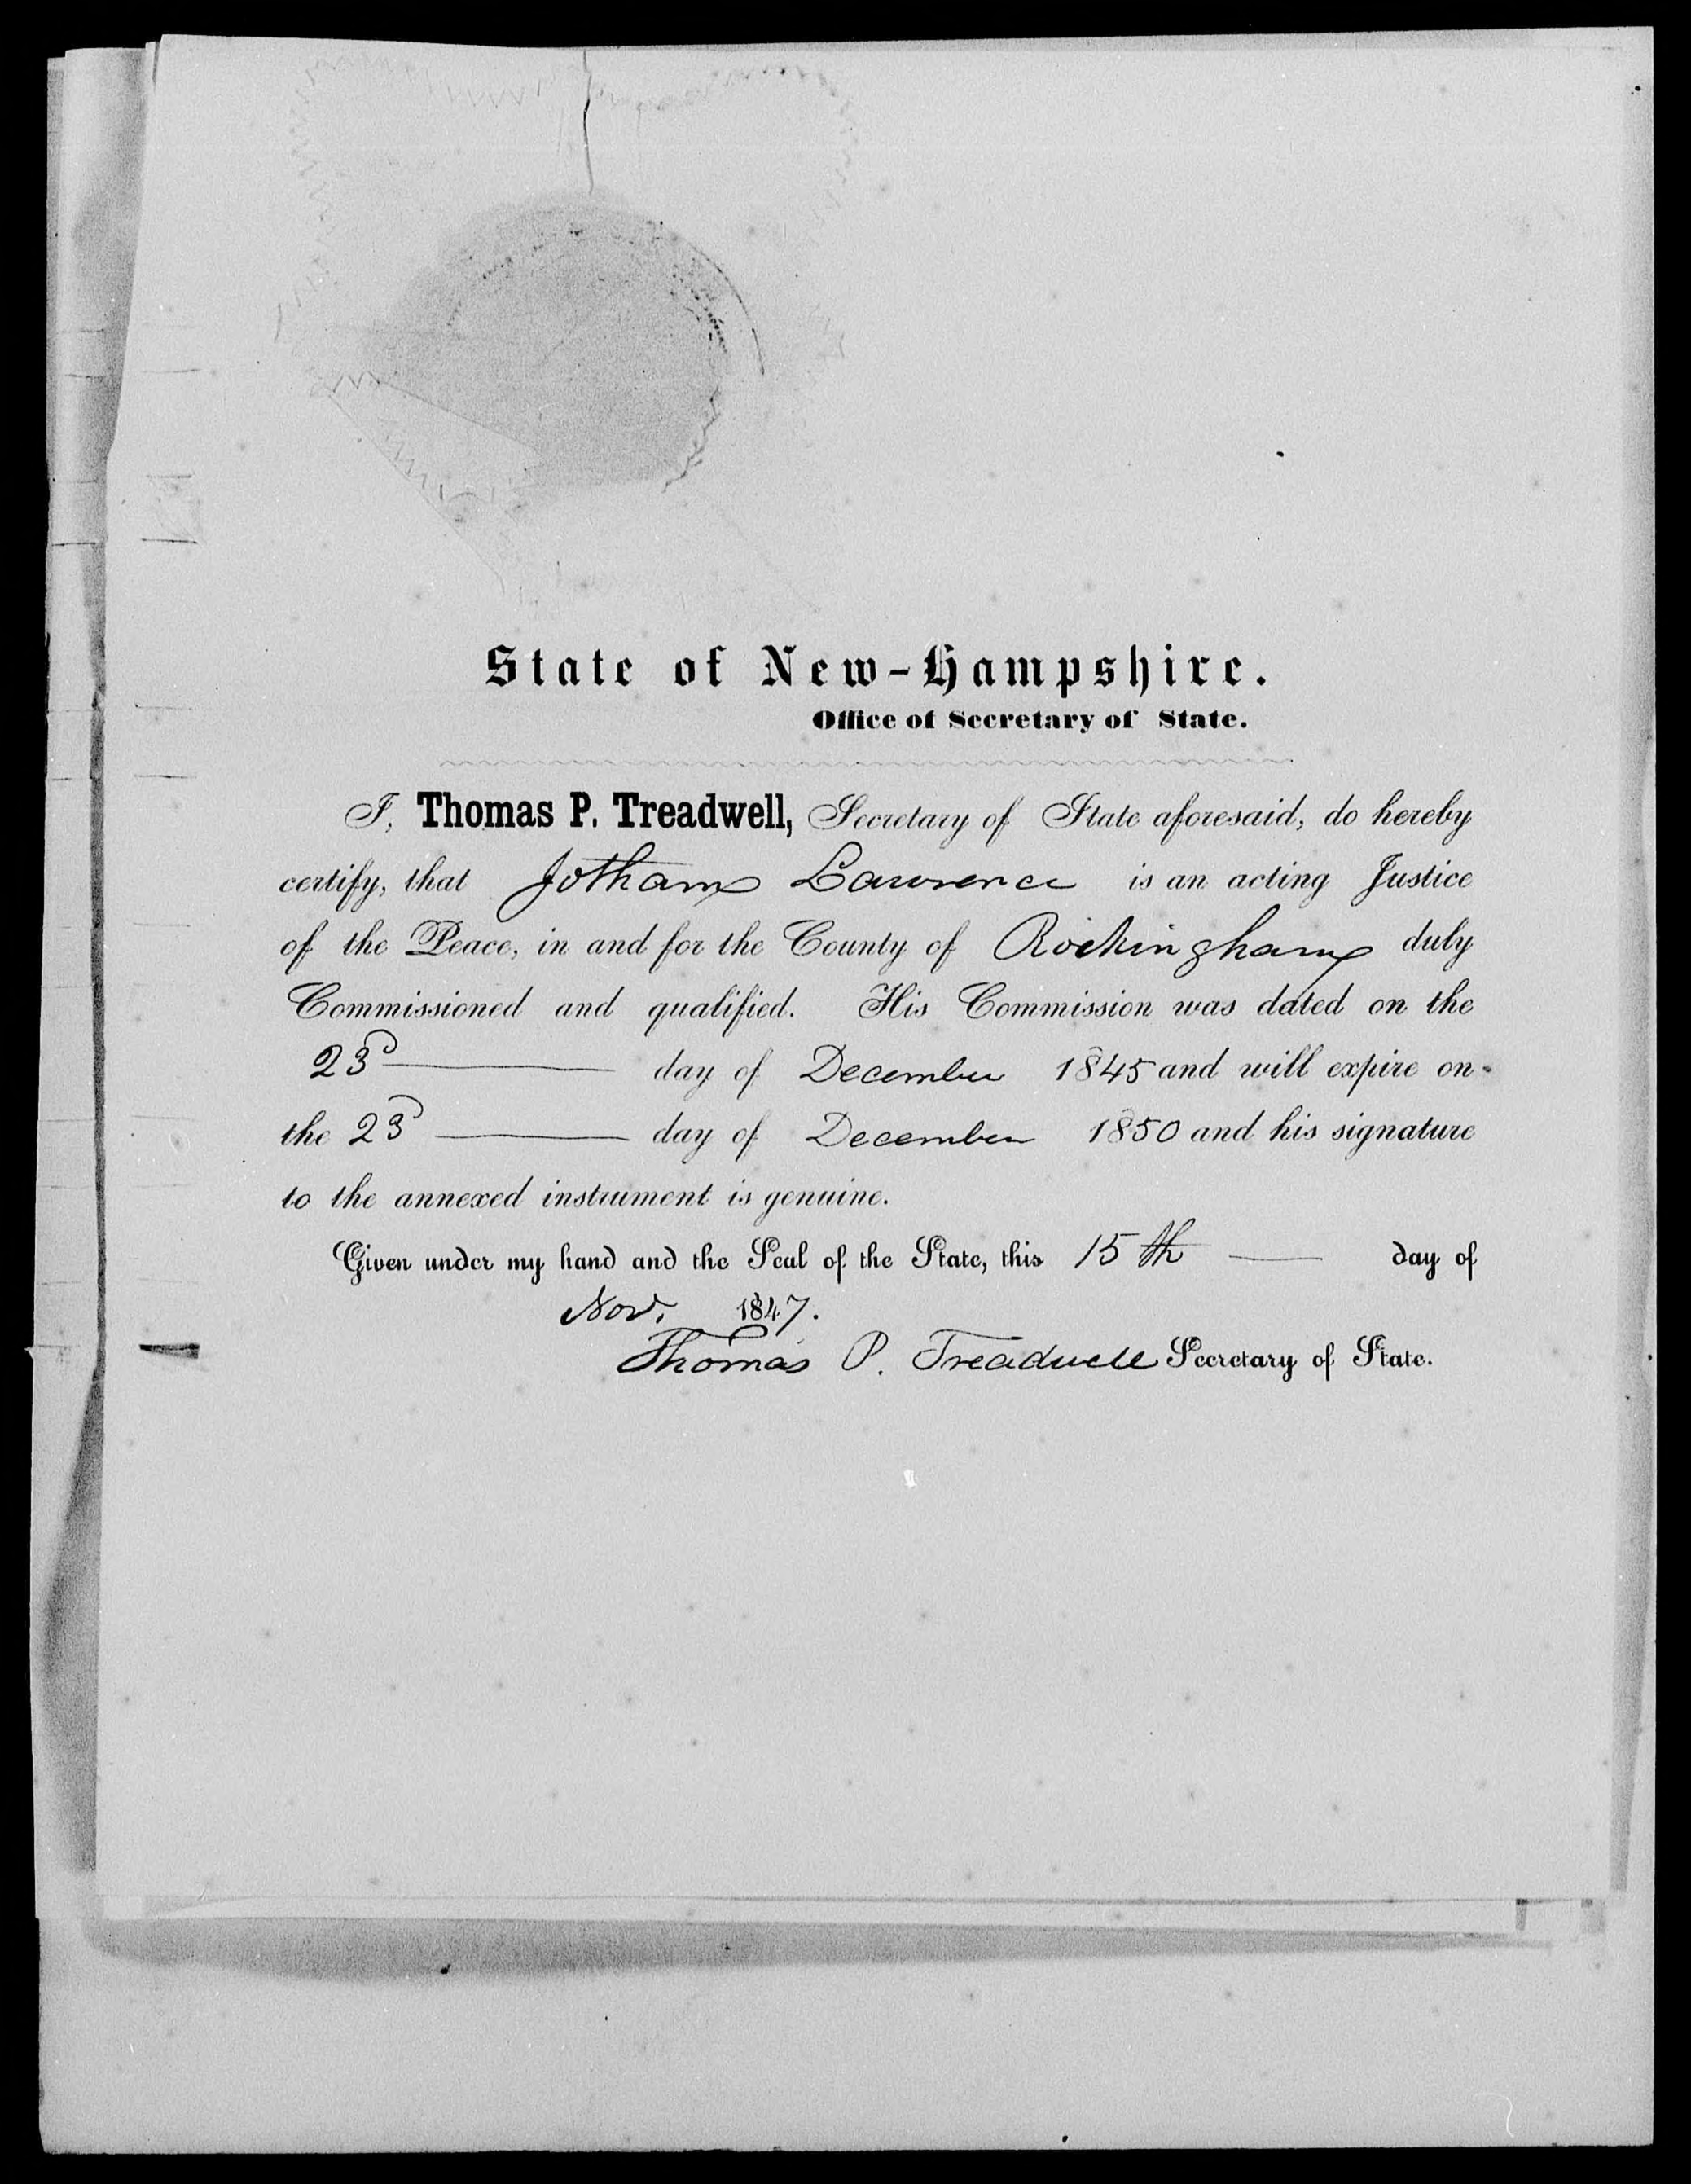[There's a seal, but it's hard to see any details]

State of New-Hamshire. 
Office of Secretary of State.

I, Thomas P. Treadwell, Secretary of State aforesaid, do hereby certify, that Jotham Lawrence is an acting Justice of the Peace, in and for the County of Rockingham (?) duly Commissioned and qualified. His Commission was dated on the  23 - day of December 1845 and will expire on the 23 - day of December 1850 and his signature to the annexed instrument is genuine.
Given under my hand and the Seal of the State, this 15th - day of Nov. 1847.
Thomas P. Treadwell        Secretary of State.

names: Thomas P Treadwell, Jotham Lawrence, Thomas P Treadwell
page: 18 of 57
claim: widow's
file: W. 23217, Thomas Haines, N H